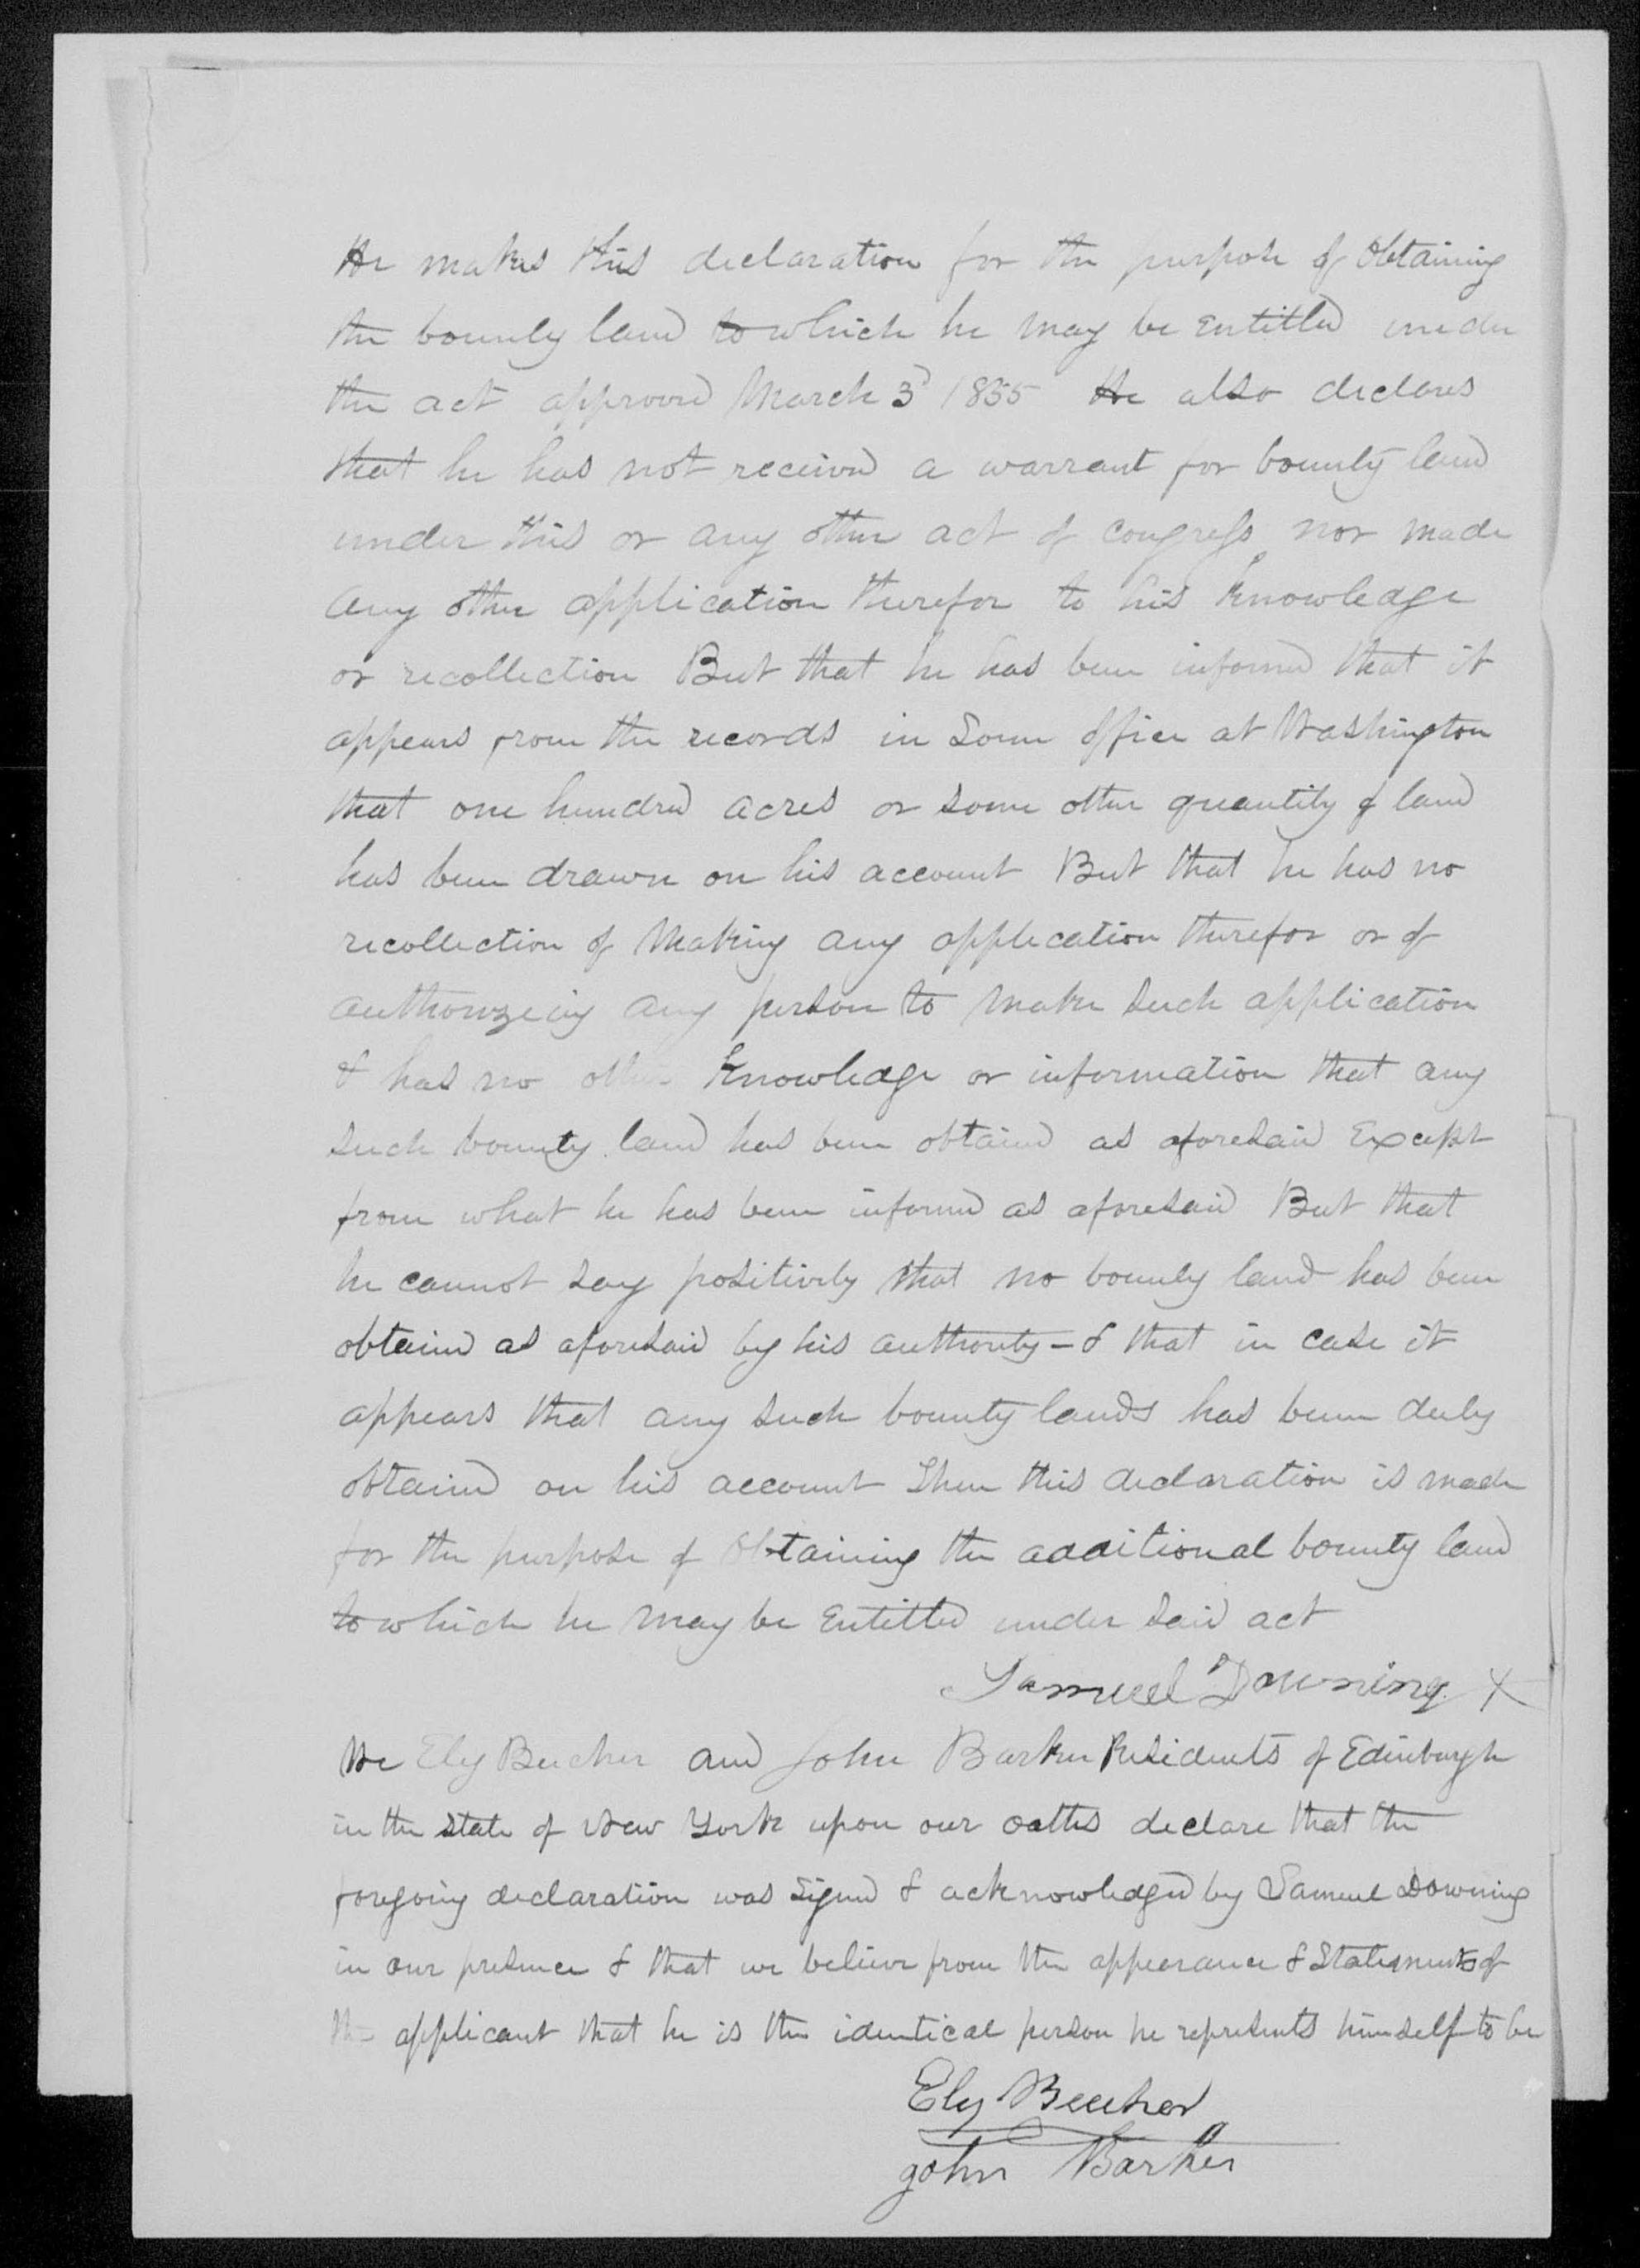He makes this declaration for the purpose of obtaining the bounty law to which he may be entitled under the act approved March 3 1835 He also declares that he has not received a warrant for bounty law under this or any other act of congress nor made any other application therefor to his knowledge or recollection But that had been informed that it appears from the records in some office at Washington that one hundred acres or some other quantity of law has been drawn on his account But that he has not received a recollection of making any application therefore or of authorizing any person to make such application & has no other knowledge or information that any such bounty land had been obtained as aforesaid except from what he has been informed as aforesaid But that he cannot say positively that no bounty land has been obtained as aforesaid by his authority- that in case it appears that any such bounty lands has been duly obtained on his account then this declaration is made for the purpose of obtaining the additional bounty law to which he may be Entitled under said act
Samuel Downing X
We Ely Bucher and John Barkin residents of Edinburgh in the State of New York upon our Oaths declare that the foregoing declaration was signed & acknowledged by Samuel Downing in our presence & that we believe from the appearance & Statements of the applicant that he is the identical he represents himself to be
Ely Beecher
John Barker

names: John Barker, Samuel Downing, Samuel Downing, Ely Beecher, Ely Beecher, John Barker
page: 7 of 56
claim: survivor's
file: S. 40,055, Samuel Downing, N.H.